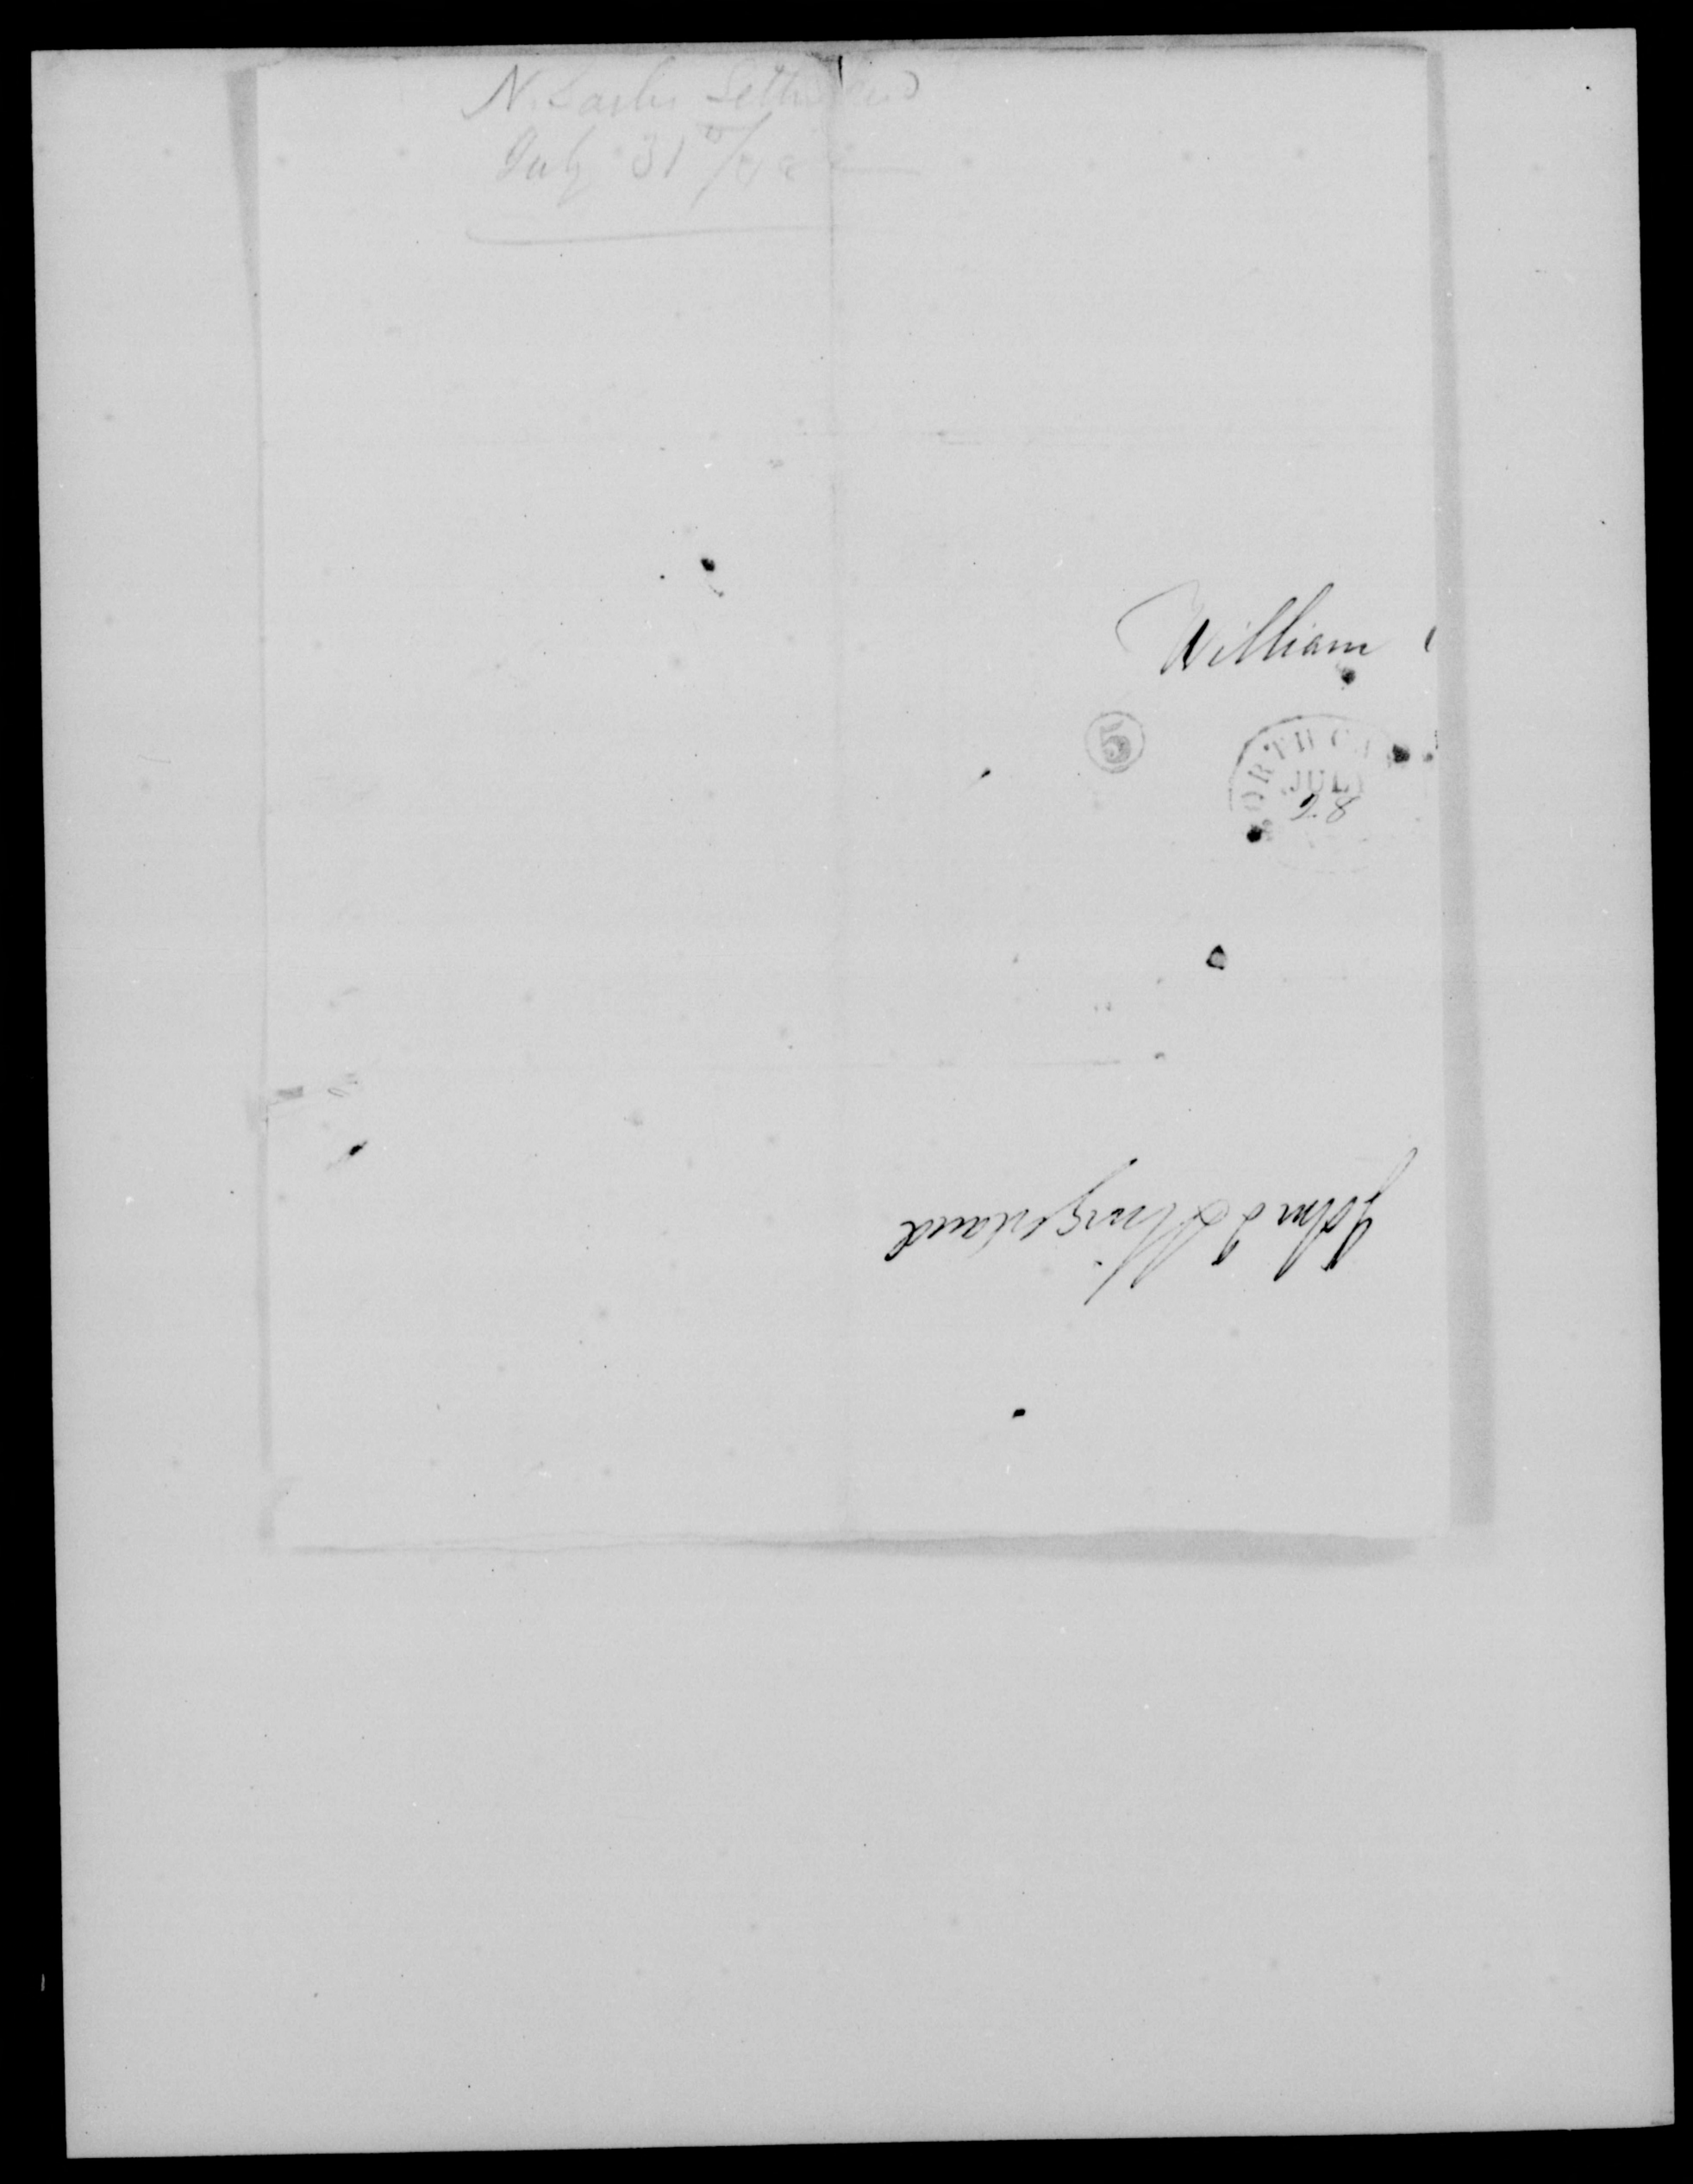[Faded]

N. Sarles Sutherland 
July 31st /78

5
William [cut off]
North Castle 
July
28

[Upside down]
John J. Slingerland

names: William [BLANK]; John J Slingerland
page: 32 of 77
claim: survivor's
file: S. 23003, for Silas Southerland, New York